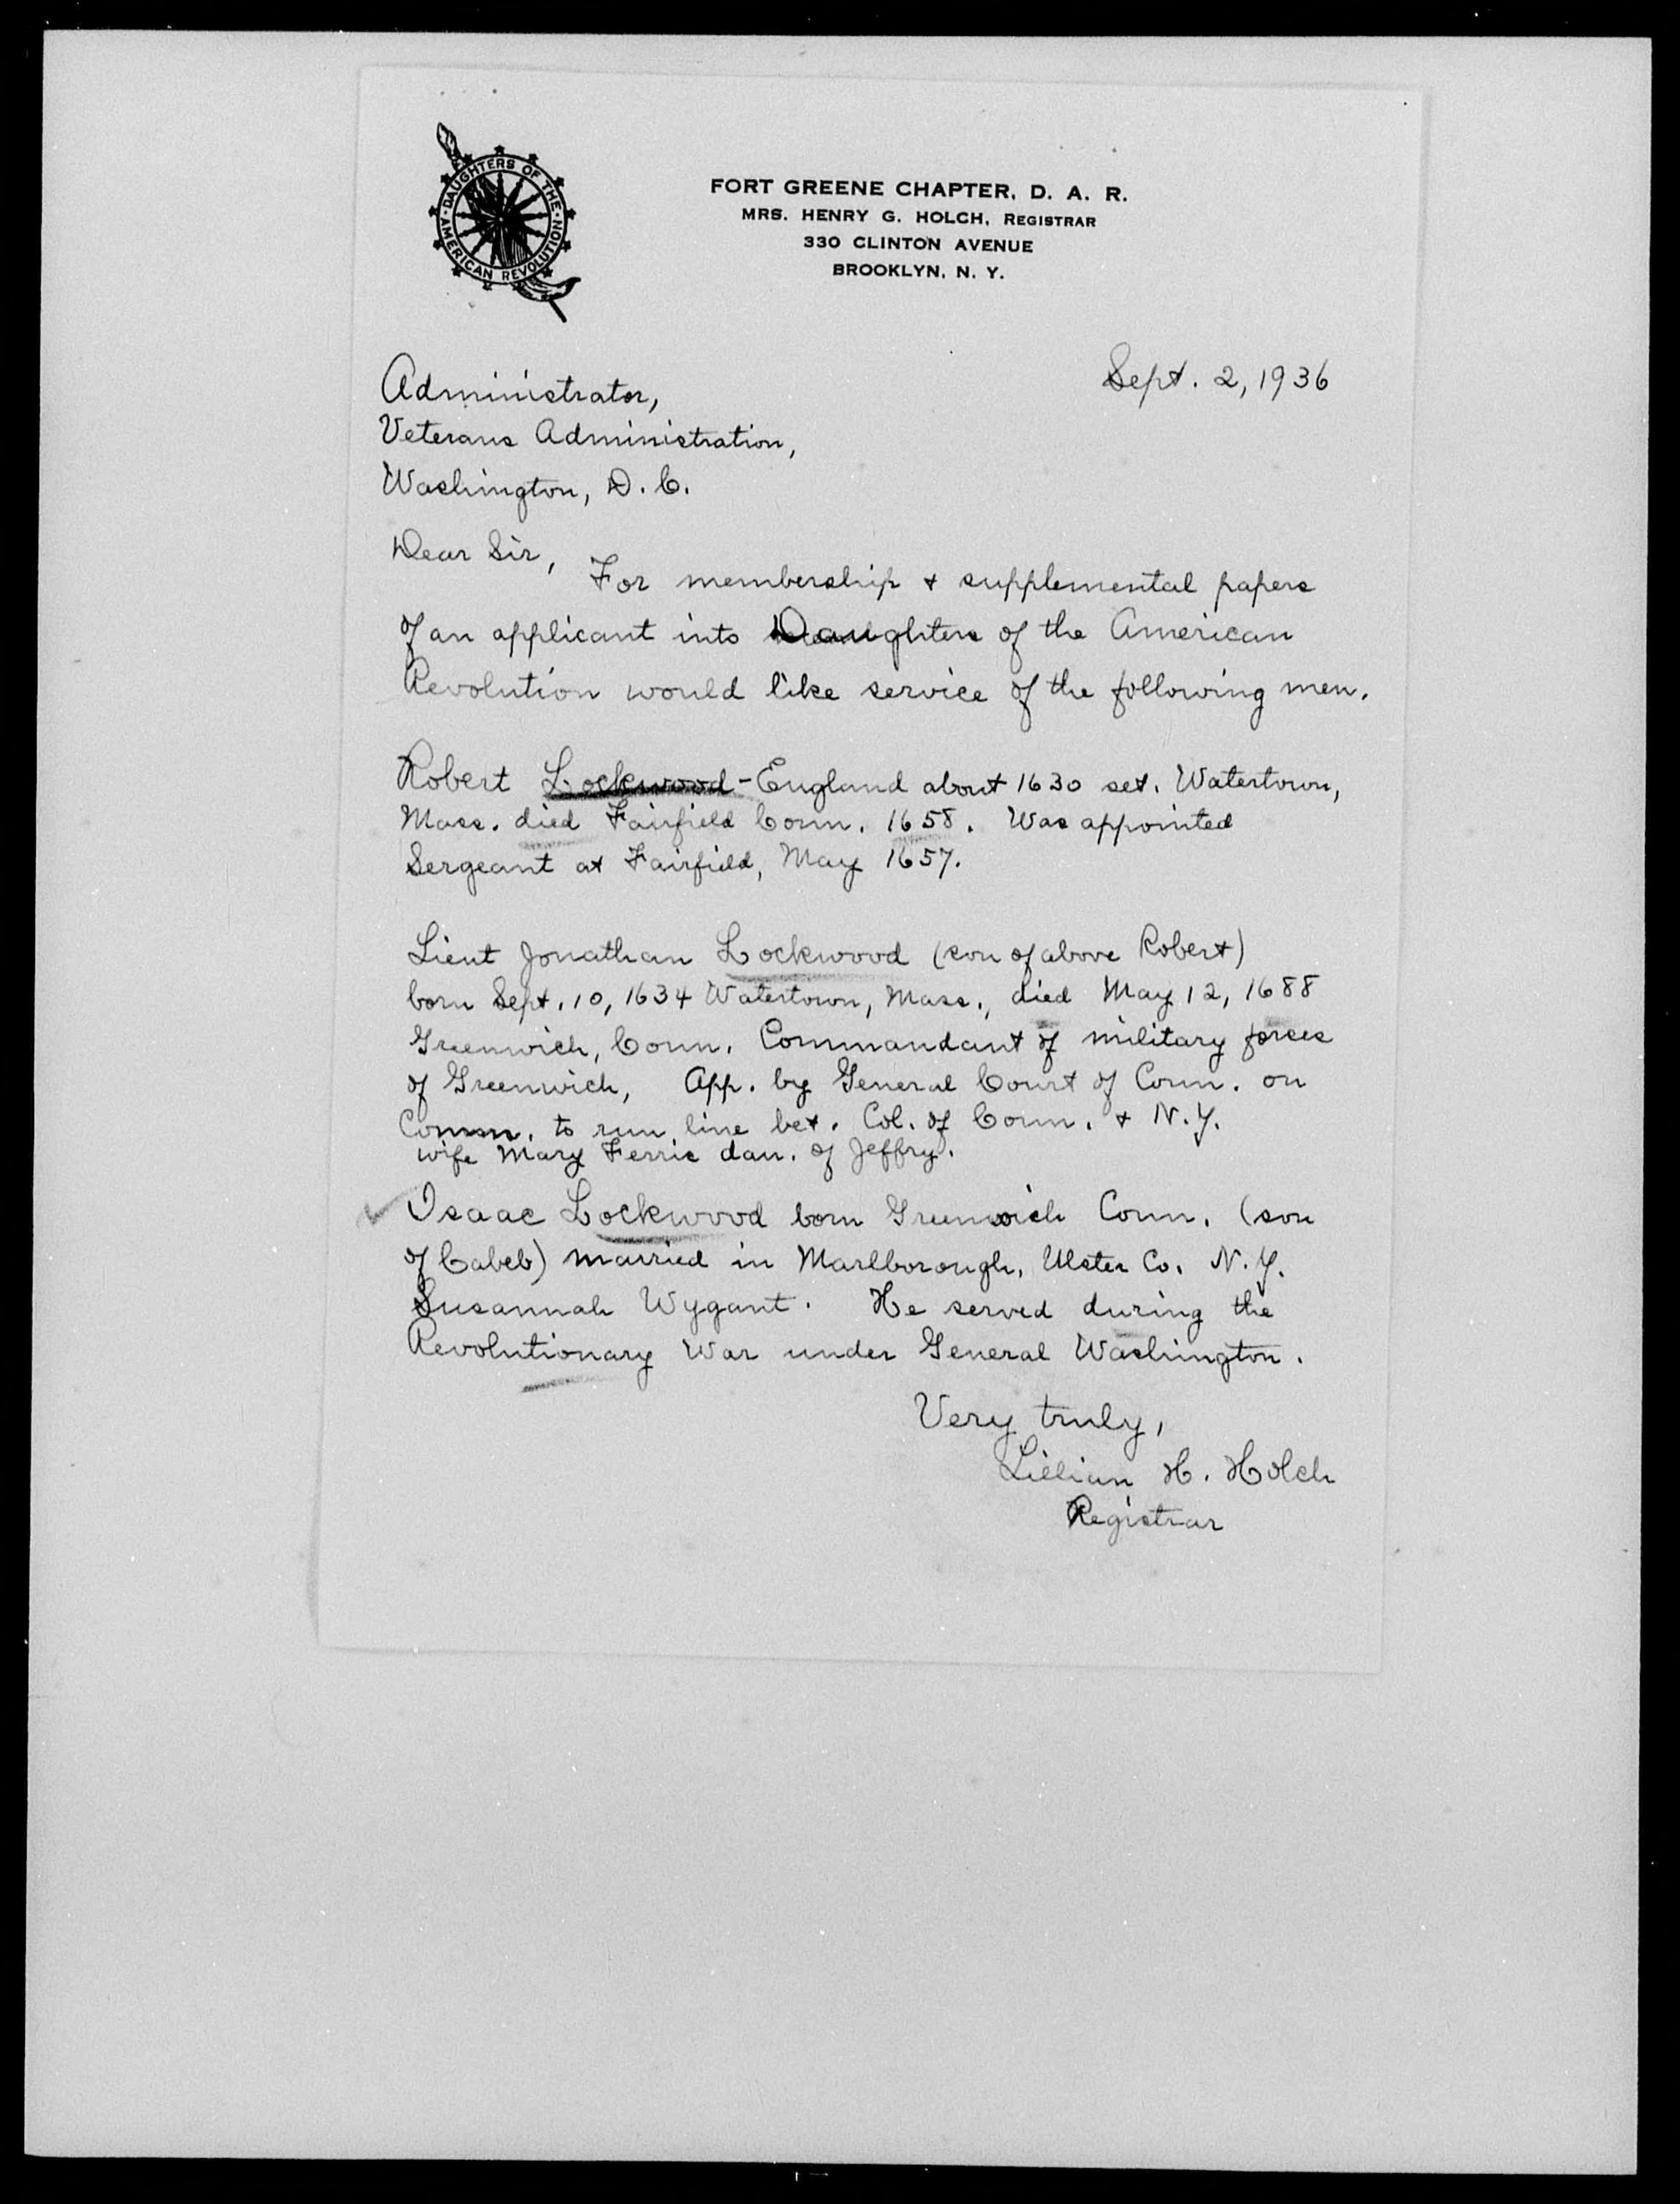FORT GREENE CHAPTER, D. A. R.
MRS. HENRY G. HOLCH, REGISTRAR
330 CLINTON AVENUE
BROOKLYN, N. Y.

Sept. 2, 1936
Administrator,
Veterans Administration,
Washington, D. C.

Dear Sir,

For membership and supplemental papers of an applicant into Daughters of the American Revolution would like service of the following men.

Robert Lockwood - England about 1630 set. Watertown, Mass. died Fairfield Conn. 1658. Was appointed Sergeant at Fairfield, May 1657.

Lieut Jonathan Lockwood (son of above Robert) born Sept. 10, 1634 Watertown, Mass., died May 12, 1688 Greenwich, Conn. Commandant of military forces of Greenwich, App. by General Court of Conn. on Comm, to your line bet. Col of Conn. + N.Y.
Wife Mary Ferris dau, of Jeffry.

Isaac Lockwood born Greenwich Conn. (son of Caleb) married in Marlborough, Ulster Co. N.Y. Susannah Wygant.  He served during the Revolutionary War under General Washington.

Very truly,

Lillian H. Holch
Registrar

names: Jonathan Lockwood; Lillian H Holch; Susannah Wygant; Robert Lockwood; Isaac Lockwood; Caleb [BLANK]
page: 22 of 23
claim: survivor's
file: S 42891, for Isaac Lockwood, New York